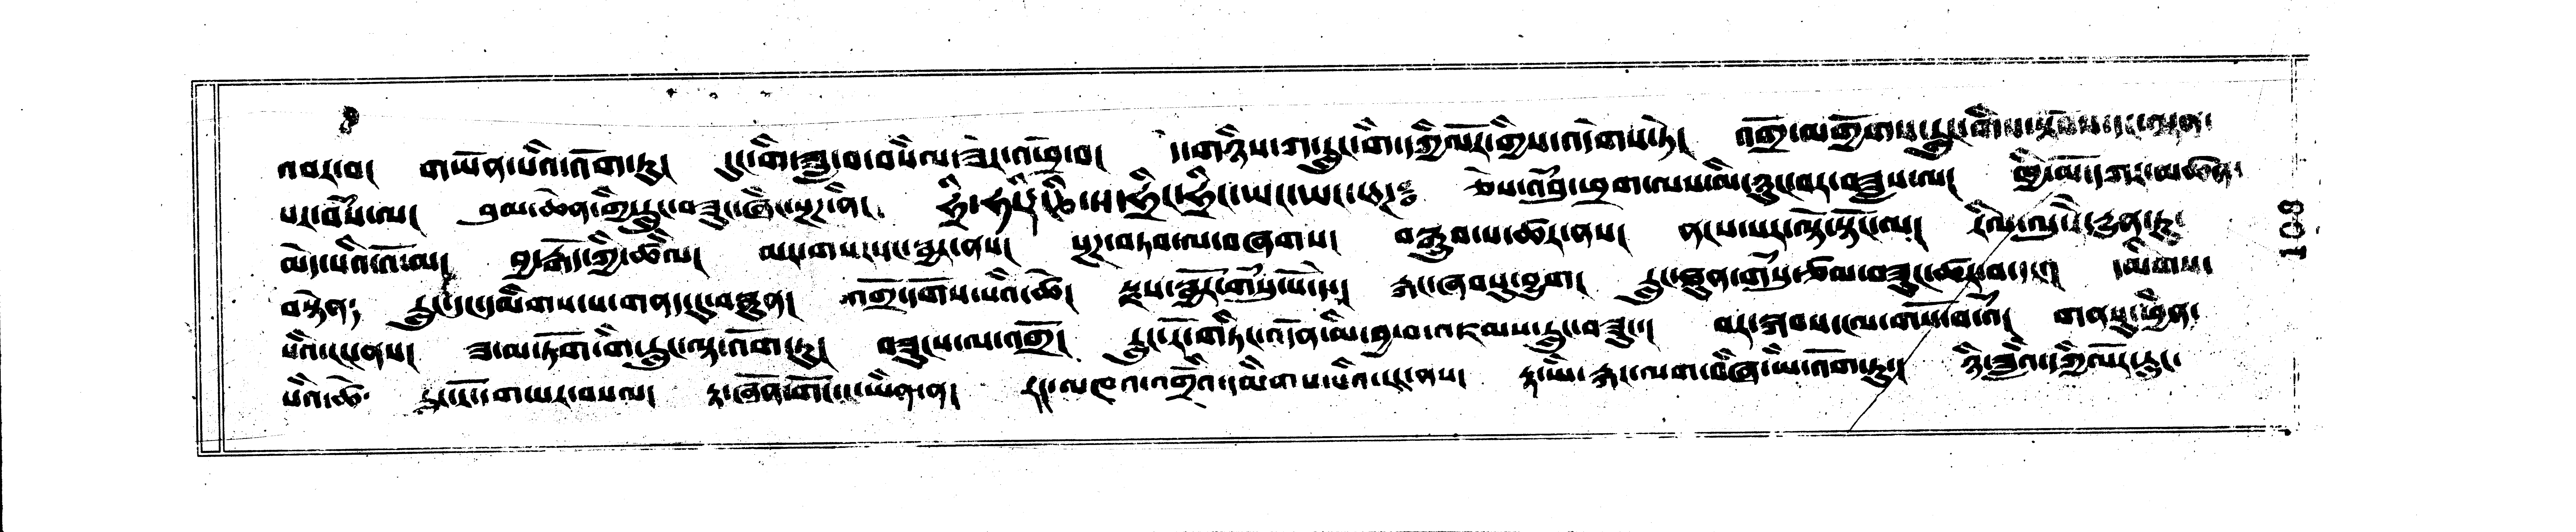འབར་བ། གཡོན་པའི་འོག་ཏུ། དུང་གི་ཟླ་བ་བསིལ་ཟེར་འཕྲོ་བ། དེ་གཉིས་ཀ་རླུང་གི་དཀྱིལ་འཁོར་གྱིས་འདེགས་ཏེ། འགྲོ་མགྱོགས་རླུང་གི་སྟོབས་དང་ལྡན་
པར་བསམ་ལ། བུམ་ཆནེ་གྱི་རླུང་བཟུང་ཞིང་སྔགས་ནི། ཧྲི་ཧ་རི་ཎི་ས་ཧྲིང་ཧྲིང་ཡང་ཡང་ཕཊཿ ཅེས་འབུམ་ཕྲག་ལས་མི་ཉུང་བར་བཟླས་ལ། ཁྱི་མོ་དཀར་མཚན་
མེད་པའི་འོ་མ། བྱ་རྒོད་ཀྱི་ཚིལ། མར་གསར་དང་སྦྱར་ནས། སྔགས་བཏབ་ལ་བཞག བསྒྲུབ་པ་ཚར་ནས། ནངས་པར་ལྟོ་སྟོང་ལ། རིལ་ལུ་རེ་རེ་རྒྱུན་དུ་
བསྟེན། རླུང་དང་དམིགས་པ་གནད་དུ་བསྣུན། འགྲོ་དགོས་པའི་ཚེ། རྫས་སྦྱོར་གསུམ་པོ་དེ། རྐང་ཞབས་སུ་བྱུག རླུང་ཐུན་གསུམ་བཟུང་ཚར་བ་དང་། དམིགས་པ་གནད་དུ་བསྣུན། འགྲོ་དགོས་པའི་ཚེ། རྫས་སྦྱོར་གསུམ་ཡོད་དེ། རྐང་ཞབས་བྱུག རླུང་ཐུན་གསུམ་ཙམ་བཟུང་ཚར་བ་དང་། དམིགས་
པའི་ངང་ནས། ཟ་མ་ཏོག་གི་རླུང་ལྟ་འོག་ཏུ། བཟུང་ལ་འགྲོ། རླུང་རོ་གཏིང་འདོན་མི་བྱ་བ་འཇམ་རླུང་བཟུང་། བར་སྐབས་ངལ་གསོ་བའམ། གནས་སུ་ཕྱིན་
པའི་ཚེ། རླུང་རོ་གཡར་བསལ། རྟ་ཞོན་གོང་དུ་ཡིན་ན། རང་མཁའ་འགྲོའི་དམིགས་པའི་ངང་ནས། རྟའི་རྐང་ལག་བཞི་ཡི་འོག་ཏུ། ཉི་ཟླའི་དཀྱིལ་འཁོར་རླུང་